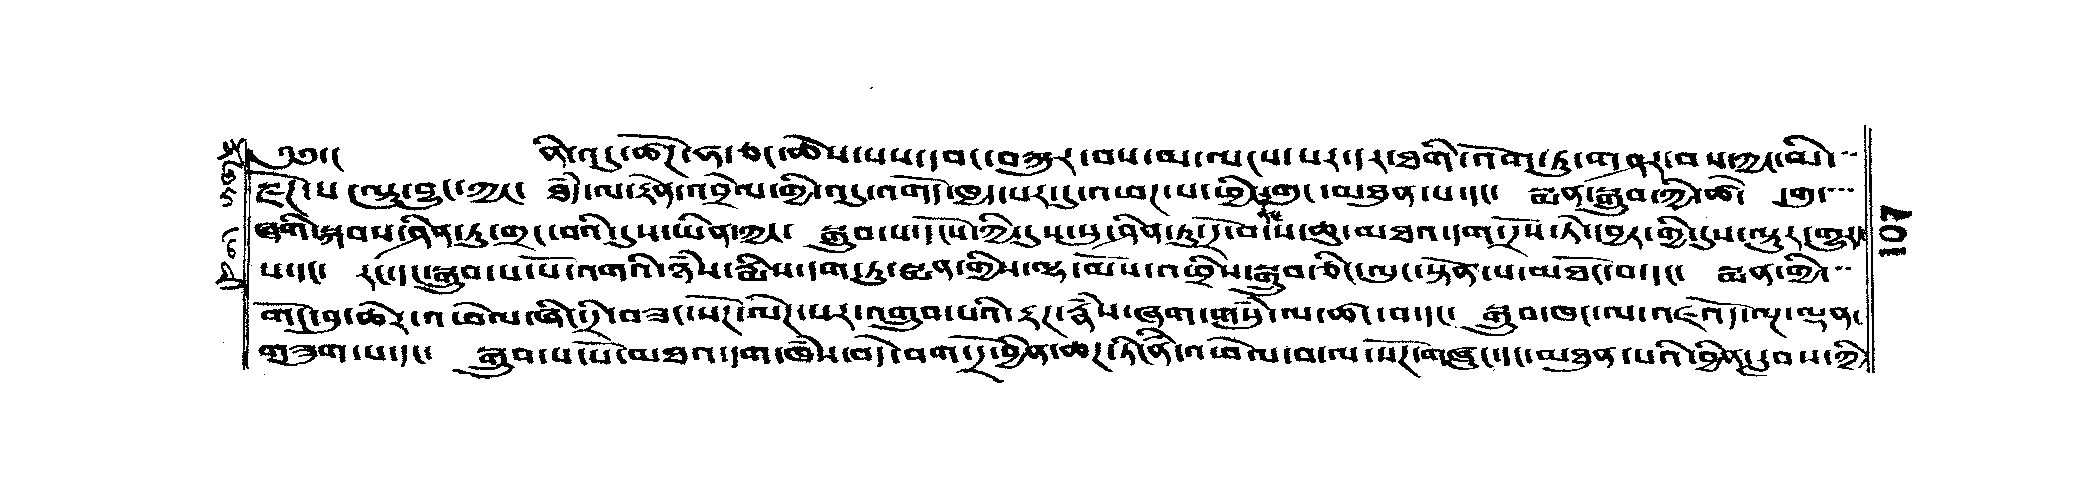ནི་འདུ་ཚོགས་ཧ་ཅང་ཆེས་པས་དབང་སྐུར་བས་མ་ལངས་པར་དར་ཐག་གི་འོག་ཏུ་གཤར་བས་ཀྱང་མི་
རྫོགས་པ་ལྟ་བུ་བྱུང་ཀྱང་། ཐམས་ཅད་ལ་རྟེན་འབྲེལ་གྱི་འདུ་འགོད་ཁྱད་པར་དུ་འཕགས་པ་ཕྱི་ནང་ནས་གུང་མཐུན་པ་དང་། སྨན་སྒྲུབ་ཀྱི་ཚེ། དགུན་
ཞིག་གི་སྐབས་ཤིན་ཏུ་གྲང་བའི་དུས་ཡིན་ཀྱང་། སྒྲུབ་པ་དངོས་ཀྱི་དུས་སུ་ཤིན་ཏུ་དྲོ་བ་ས་ཆུ་མཐའ་དག་དྲོས་ཏེ་དབྱར་གྱི་དུས་ལྟ་བུར་གྱུར་
པ་དང་། རང་དང་སྒྲུབ་པ་པོ་འགའི་ཉམས་རྨིས་དག་ཏུ་སྨན་གྱིས་ལྷ་མོས་འཕྲིན་ལས་སྒྲུབ་ཅིང་ལུང་སྟོན་པ་མཐོང་བ་དང་། སྨན་གྱི་
གོང་བུ་ཆེར་འཕེལ་ཞིང་དྲི་བཟང་སོགས་ལེགས་པར་འགྲུབ་པའི་རྟགས་རྣམས་ཞག་གསུམ་ལ་ཚང་བ་དང་། སྒྲུབ་ཁང་ལ་འཇའ་འོད་ལྔ་ལྡན་
ཟུག་པ་དང་། སྒྲུབ་པ་པོ་མཐའ་དག་ཁམས་བདེ་བག་དྲོ་བྱིན་ཆགས་ཏིང་འཛིན་འཕེལ་བ་ལ་སོགས་གཞུང་དང་མཐུན་པའི་བྱིན་རླབས་ཀྱི་